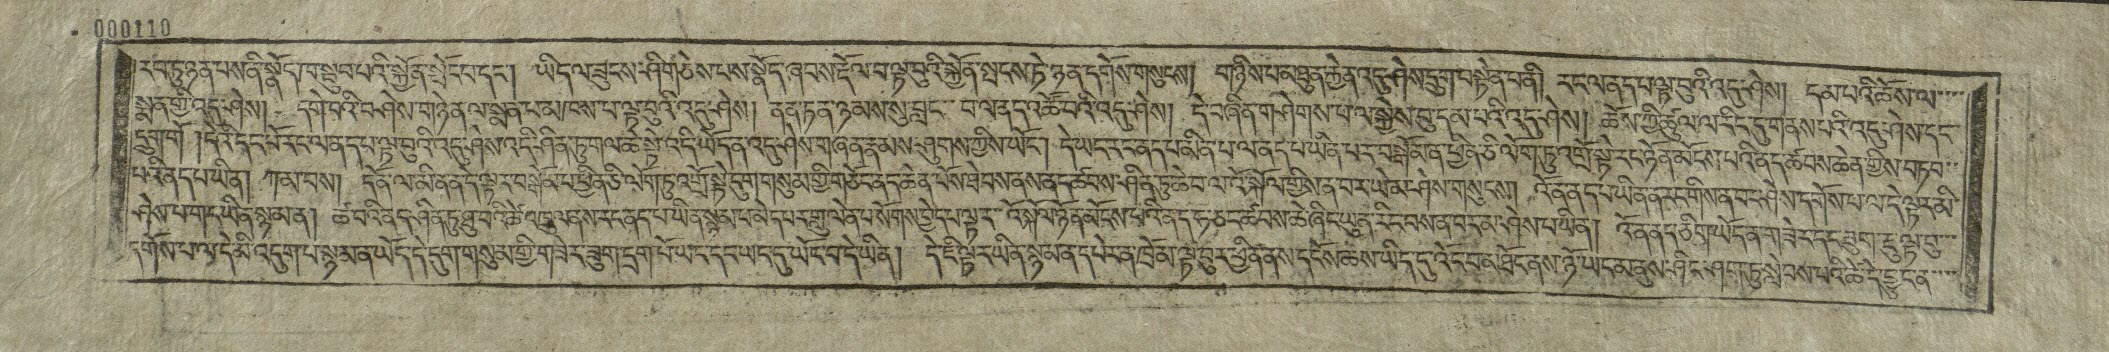རབ་ཏུ་ཉན་པས་ནི་སྣོད་ཁ་སྦུབ་པའི་སྐྱོན་སྤོང་བ་དང་། ཡིད་ལ་ཟུངས་ཤིག་གཅེས་པས་སྣོད་ཞབས་རྡོལ་བ་ལྟ་བུའི་སྐྱོན་སྤངས་ཏེ་ཉན་དགོས་གསུངས། གཉིས་པ་མཐུན་རྐྱེན་འདུ་ཤེས་དྲུག་བསྟེན་པ་ནི། རང་ལ་ནད་པ་ལྟ་བུའི་འདུ་ཤེས། དམ་པའི་ཆོས་ལ་
སྨན་གྱི་འདུ་ཤེས། དགེ་བའི་བཤེས་གཉེན་ལ་སྨན་པ་མཁས་པ་ལྟ་བུའི་འདུ་ཤེས། ནན་ཏན་ཉམས་སུ་བླང་བ་ལ་ནད་འཚོ་བའི་འདུ་ཤེས། དེ་བཞིན་གཤེགས་པ་ལ་སྐྱེས་བུ་དམ་པའི་འདུ་ཤེས། ཆོས་ཀྱི་ཚུལ་ལ་རིང་དུ་གནས་པའི་འདུ་ཤེས་དང་
དྲུག་གོ །དེའི་དང་པོ་རང་ལ་ནད་པ་ལྟ་བུའི་འདུ་ཤེས་འདི་ཤིན་ཏུ་གལ་ཆེ་སྟེ་འདི་ཡོད་ན་འདུ་ཤེས་གཞན་རྣམས་ཤུགས་ཀྱིས་ཡོང་། དེ་ཡང་རང་ནད་པ་མིན་པ་ལ་ནད་པ་ཡིན་པར་བསྒོམ་ན་ཕྱིན་ཅི་ལོག་ཏུ་འགྲོ་སྟེ་རང་ཉོན་མོངས་པའི་ནད་ཚབས་ཆེན་གྱིས་བཏབ་
པའི་ནད་པ་ཡིན། ཀ་མ་བས། དོན་ལ་མིན་ན་དེ་ལྟར་བསྒོམ་པ་ཕྱིན་ཅི་ལོག་ཏུ་འགྲོ་སྟེ་དུག་གསུམ་གྱི་གཅོང་ནད་ཆེན་པོས་ཐེབས་ནས་ནད་ཚབས་ཤིན་ཏུ་ཆེ་བ་ལ་འོ་སྐོལ་གྱིས་ན་བར་ཡེ་མ་ཤེས་གསུངས། འོ་ན་ནད་པ་ཡིན་ན་རང་གིས་ན་བར་ཤེས་དགོས་པ་ལ་དེ་ལྟར་མི་
ཤེས་པ་གང་ཡིན་སྙམ་ན། ཚ་བའི་ནད་ཤིན་ཏུ་ཐུ་བའི་ཚེ་འཁྲུལ་ནས་རང་ནད་པ་ཡིན་སྙམ་པ་མེད་པར་གླུ་ལེན་པ་སོགས་བྱེད་པ་ལྟར་འོ་སྐོལ་ཉོན་མོངས་པའི་ནད་ཧ་ཅང་ཚབས་ཆེ་ཞིང་ཡུན་རིང་བས་ན་བར་མ་ཤེས་པ་ཡིན། འོ་ན་ནད་ཅིག་ཡོད་ན་གཟེར་དང་ཟུག་རྡུ་ལྟ་བུ་
དགོས་པ་ལ་དེ་མི་འདུག་པ་སྙམ་ན་ཡོད་དེ་དུག་གསུམ་གྱི་གཟེར་ཟུག་དྲག་པོ་ཡང་དང་ཡང་དུ་ཡོང་བ་དེ་ཡིན། དེ་ཇི་ལྟར་ཡིན་སྙམ་ན་དཔེར་ན་ཁྲོམ་ལྟ་བུར་ཕྱིན་ནས་དངོས་ཆས་ཡིད་དུ་འོང་བ་མཐོང་ནས་ཉོ་ཡང་མ་ནུས་ཤིང་ཤག་ཏུ་སླེབས་པའི་ཚེ་དེ་བྱུང་ན་